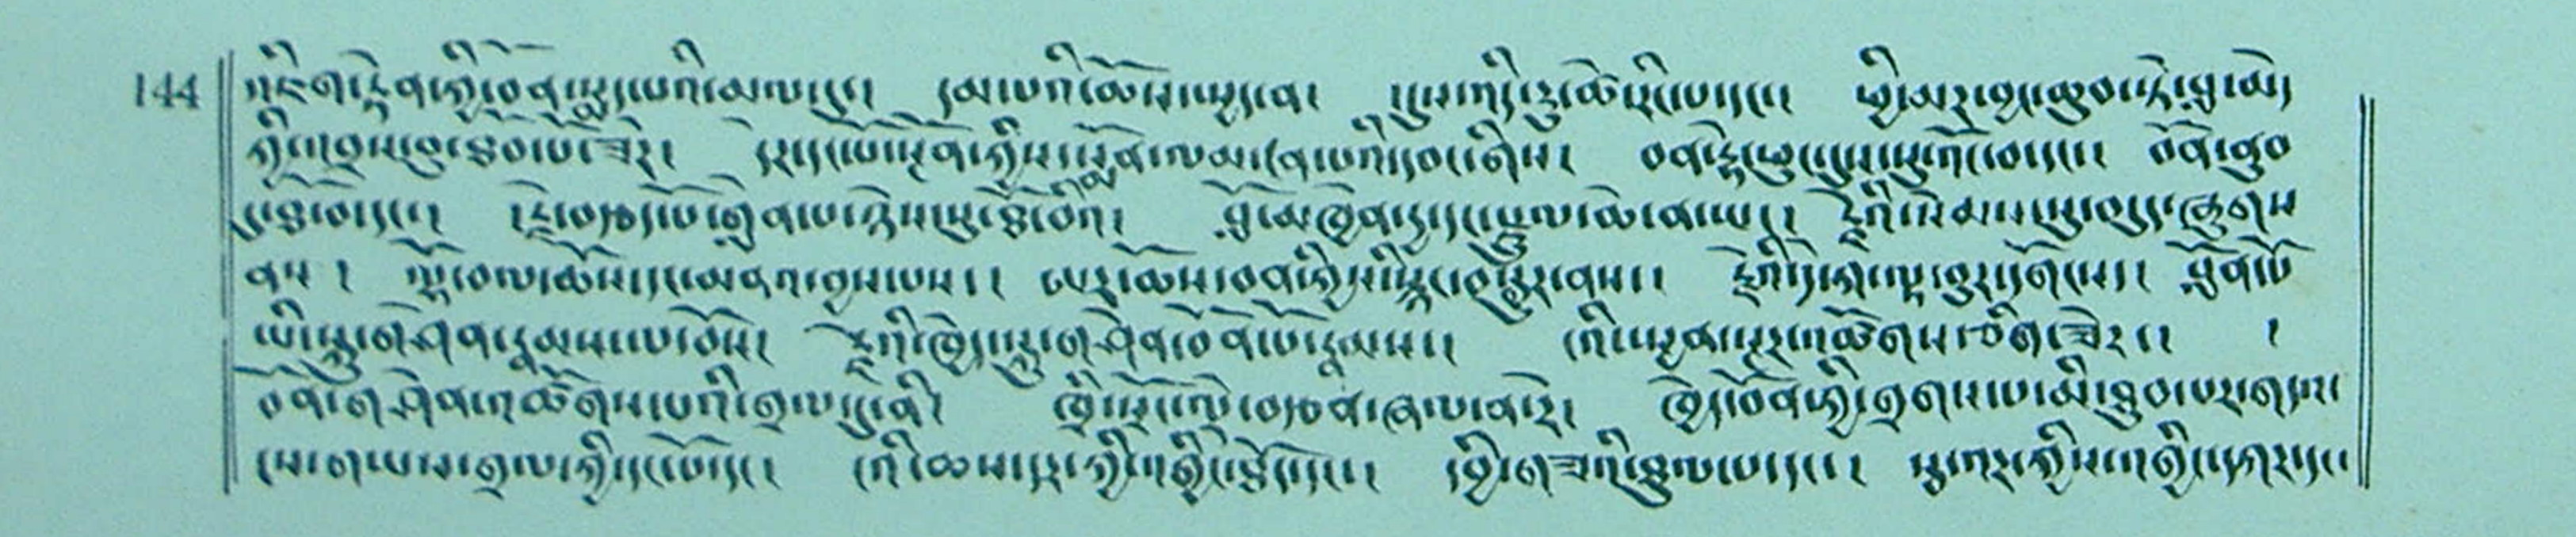འཇིག་རྟེན་གྱི་བོན་སྨད་པའི་མལ་དུ། དམ་པ་ཆོས་སྤྱོད་ན། དུས་འདི་རུ་ཚེ་རིང་བ་དང་། ཕྱི་མར་བྱང་ཆུབ་སྟེ་བླ་མེད་
ཀྱི་འབྲས་བུ་ཐོབ་པོ་ཟེར། དེར་དང་པོ་སྔོན་གྱི་སྨོན་ལམ་ངན་པའི་དབང་གིས། བན་དྷེ་ཕུང་དུས་སུ་འོང་བ་དང་། བོན་ནུབ་
ཏུ་ཐོ་བ་དང་། རྗེ་བརྩད་པོ་གླེན་པ་ཉེས་སུ་ཐོ་བའི། བློ་མཁྱེན་རྒྱ་དང་རྫུ་འཕྲུལ་ཆེ་ན་ཡང་། རྗེའི་སེམས་སུ་བདུད་ཞུགས་
ནས། ལྷོ་བལ་ཆོས་དང་མནའ་བྱས་པས། ཨར་ཆོས་བན་གྱིས་སྙིང་བསྒྱུར་ནས། རྗེའི་དེ་ཀ་ལྟ་བུར་དགོངས། བློན་པོ་
ཡི་སྐུ་གཤེན་རྣམས་ལ་བོས། རྗེ་ཡིས་ཁྱེད་སྐུ་གཤེན་བོན་པོ་རྣམས། ངའི་སྤྱན་སྔར་འཚོགས་ཅིག་ཟེར། 
བོན་གཤེན་འཚོགས་པའི་གྲལ་དུ་ནི། ཁྲི་སྲོང་ལྡེ་བཙན་ཞལ་ན་རེ། ཁྱེད་བོན་གྱི་གྲགས་པ་མི་ཐུབ་པར་གདའ། 
ངས་གཡས་གྲལ་གྱི་དང་པོ་དང་། ངའི་ཆས་དར་གྱི་འགྱིང་ཐོད་དང་། དབྱི་གཟའི་ཐུལ་བ་དང་། སྦ་འར་གྱིས་འགྱིང་དཀར་དང་།